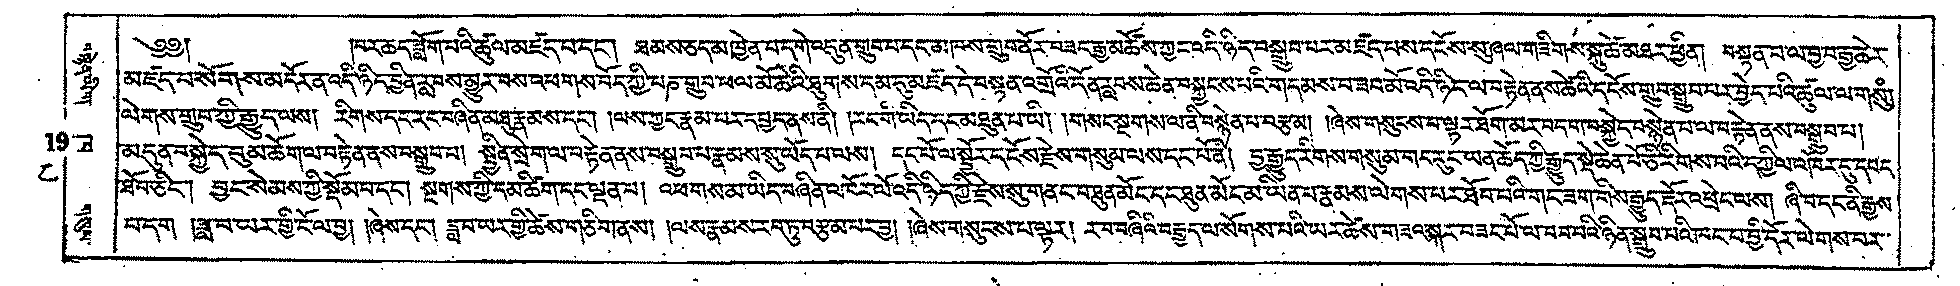༄༅། །བར་ཆད་ཟློག་པའི་ཚུལ་མཛད་པ་དང་། ཐམས་ཅད་མཁྱེན་པ་དགེ་འདུན་གྲུབ་པ་དང་མཁས་གྲུབ་ནོར་བཟང་རྒྱ་མཚོས་ཀྱང་འདི་ཉིད་བསྒྲུབ་པར་མཛད་པས་དངོས་སུ་ཞལ་གཟིགས་སྐུ་ཚེ་མཐར་ཕྱིན། བསྟན་པ་ལ་བྱ་བ་རྒྱ་ཆེར་
མཛད་པ་སོགས་མདོར་ན་འདི་ཉིད་བྱིན་རླབས་མྱུར་བས་འཕགས་བོད་ཀྱི་པཎ་གྲུབ་ཕལ་མོ་ཆེའི་ཐུགས་དམ་དུ་མཛད་དེ་བསྟན་འགྲོའི་དོན་རླབས་ཆེན་བསྐྱངས་པའི་གདམས་པ་ཟབ་མོ་འདི་ཉིད་ལ་བརྟེན་ནས་ཚེའི་དངོས་གྲུབ་སྒྲུབ་པར་བྱེད་པའི་ཚུལ་ལ་གསུཾ།
ལེགས་གྲུབ་ཀྱི་རྒྱུད་ལས། རིགས་དང་རང་བཞིན་མཐུ་རྣམས་དང་། །ལས་ཀྱང་རྣམ་པར་དཔྱད་ནས་ནི། །རང་གི་ཡིད་དང་མཐུན་པ་ཡི། །གསང་སྔགས་ལ་ནི་བསྙེན་པ་བརྩམ། །ཞེས་གསུངས་པ་ལྟར་ཐོག་མར་བདག་བསྐྱེད་བསྙེན་པ་ལ་བརྟེན་ནས་བསྒྲུབ་པ།
མདུན་བསྐྱེད་བུམ་ཆོག་ལ་བརྟེན་ནས་བསྒྲུབ་པ། སྦྱིན་སྲེག་ལ་བརྟེན་ནས་བསྒྲུབ་པ་རྣམས་སུ་ཡོད་པ་ལས། དང་པོ་ལ་སྦྱོར་དངོས་རྗེས་གསུམ་ལས་དང་པོ་ནི། བྱ་རྒྱུད་རིགས་གསུམ་གང་རུང་ཡན་ཆོད་ཀྱི་རྒྱུད་སྡེ་ཆེན་པོ་ཅི་རིགས་པའི་དཀྱིལ་འཁོར་དུ་དབང་
ཐོབ་ཅིང་། བྱང་སེམས་ཀྱི་སྡོམ་པ་དང་། སྔགས་ཀྱི་དམ་ཚིག་དང་ལྡན་པ། འཕགས་མ་ཡིད་བཞིན་འཁོར་ལོ་འདི་ཉིད་ཀྱི་རྗེས་སུ་གནང་བ་ཐུན་མོང་དང་ཐུན་མོང་མ་ཡིན་པ་རྣམས་ལེགས་པར་ཐོབ་པའི་གང་ཟག་གིས་རྒྱུད་རྡོར་འཕྲེང་ལས། ཞི་བ་དང་ནི་རྒྱས་
པ་དག །ཟླ་བ་ཡར་གྱི་ངོ་ལ་བྱ། །ཞེས་དང་། ཟླ་བ་ཡར་གྱི་ཚེས་གཅིག་ནས། །ལས་རྣམས་རབ་ཏུ་བརྩམ་པར་བྱ། །ཞེས་གསུངས་པ་ལྟར། རབ་བཞིའི་བརྒྱད་ལ་སོགས་པའི་ཡར་ཚེས་གཟའ་སྐར་བཟང་པོ་ལ་བབ་པའི་ཉིན་སྒྲུབ་པའི་ཁང་པ་བྱི་དོར་ལེགས་པར་་་